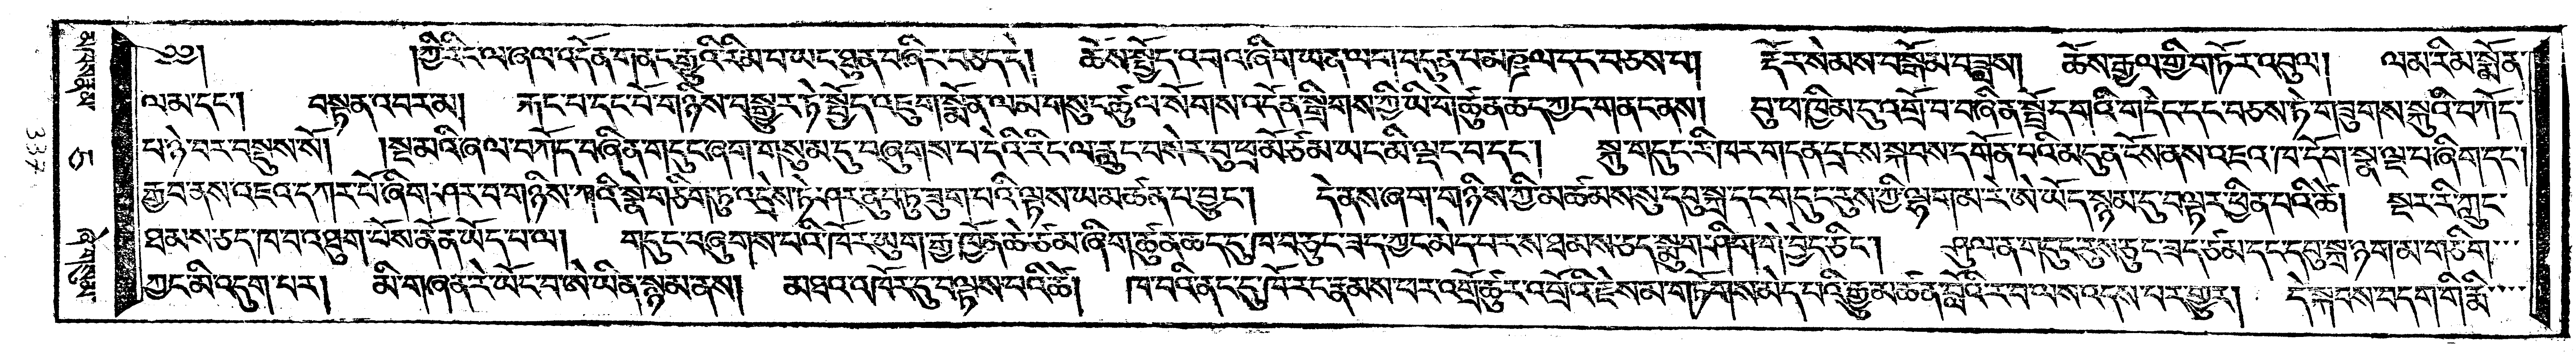༄༅། །ཀྱི་རིང་ལ་ཞལ་འདོན་གནང་རྒྱུའི་རིམ་པ་ཡང་ཐུན་བཞིར་བཅད་དེ། ཆོས་སྤྱོད་འགའ་ཞིག་ཡན་ལག་བདུན་པ་མཎྜལ་དང་བཅས་པ། རྡོར་སེམས་བསྒོམ་བཟླས། ཆོས་རྒྱལ་གྱི་གཏོར་འབུལ། ལམ་རིམ་སྨོན་
ལམ་དང་། བསྟན་འབར་མ། རྐང་པ་དང་པོ་གཉིས་བསྒྱུར་ཏེ་སྤྱོད་འཇུག་སྨོན་ལམ་གསུང་ཚུལ་སོགས་འདོན་སྒྲིགས་ཀྱི་ཡི་གེ་ཚུན་ཆད་ཀྱང་གནང་ནས། བུ་ཕ་ཁྱིམ་དུ་འགྲོ་བ་བཞིན་སྤྲོ་དགའི་གདེང་དང་བཅས་ཏེ་གཟུགས་སྐུའི་བཀོད་
པ་ཉེ་བར་བསྡུས་སོ། །སྔ་མའི་ཞལ་བཀོད་བཞིན་གདུང་ཞག་གསུམ་དུ་བཞུགས་པ་དེའི་རིང་ལ་རླུང་བསེར་བུ་ཕྲ་མོ་ཙམ་ཡང་མི་ལྡང་བ་དང་། སྐུ་གདུང་རི་ཁར་གདན་དྲངས་སྐབས་དགོན་པའི་མདུན་ངོས་ནས་འཇའ་ཁ་དོག་སྣ་ལྔ་པ་ཞིག་དང་
རྒྱབ་ནས་འཇའ་དཀར་པོ་ཞིག་ཤར་བ་གཉིས་ཀའི་སྣེ་གཅིག་ཏུ་འདྲེས་ཏེ་ཤར་ནུབ་ཏུ་ཟུག་པའི་ལྟས་ཡ་མཚན་པ་བྱུང་། དེ་ནས་ཞག་གཉིས་ཀྱི་མཚམས་སུ་དབུ་སྐྲ་དང་གདུང་རུས་ཀྱི་ལྷག་མ་རེ་ཨེ་ཡོད་སྙམ་དུ་བལྟར་ཕྱིན་པའི་ཚེ། སྔར་རི་ཀླུང་
ཐམས་ཅད་ཁ་བ་འཐུག་པོས་ནོ་ཉོད་པ་ལ། གདུང་བཞུགས་པའི་ཁོར་ཡུག་རྒྱ་ཁྱོན་ཆེ་ཙམ་ཞིག་ཚུན་ཆད་དུ་ཁ་བ་ཅུང་ཟད་ཀྱང་མེད་པར་ས་ཐམས་ཅད་སྨུག་ཤིག་གེ་བྱེད་ཅིང་། ཤུལ་ན་གདུང་རུས་ཅུང་ཟད་ཙམ་དང་དབུ་སྐྲ་ཉག་མ་གཅིག་
ཀྱང་མི་འདུག་པར། མི་གཞན་རེ་ཡོང་བ་ཨེ་ཡིན་སྙམ་ནས། མཐའ་འཁོར་དུ་བལྟས་པའི་ཚེ། ཁ་བའི་ནང་དུ་ཁོ་རང་རྣམས་ཕར་འགྲོ་ཚུར་འགྲོའི་རྗེས་མ་གཏོགས་མེད་པའི་རྒྱུ་མཚན་བློའི་ར་བ་ལས་འདས་པར་གྱུར། དེ་སྐབས་བདག་གི་རྨི་